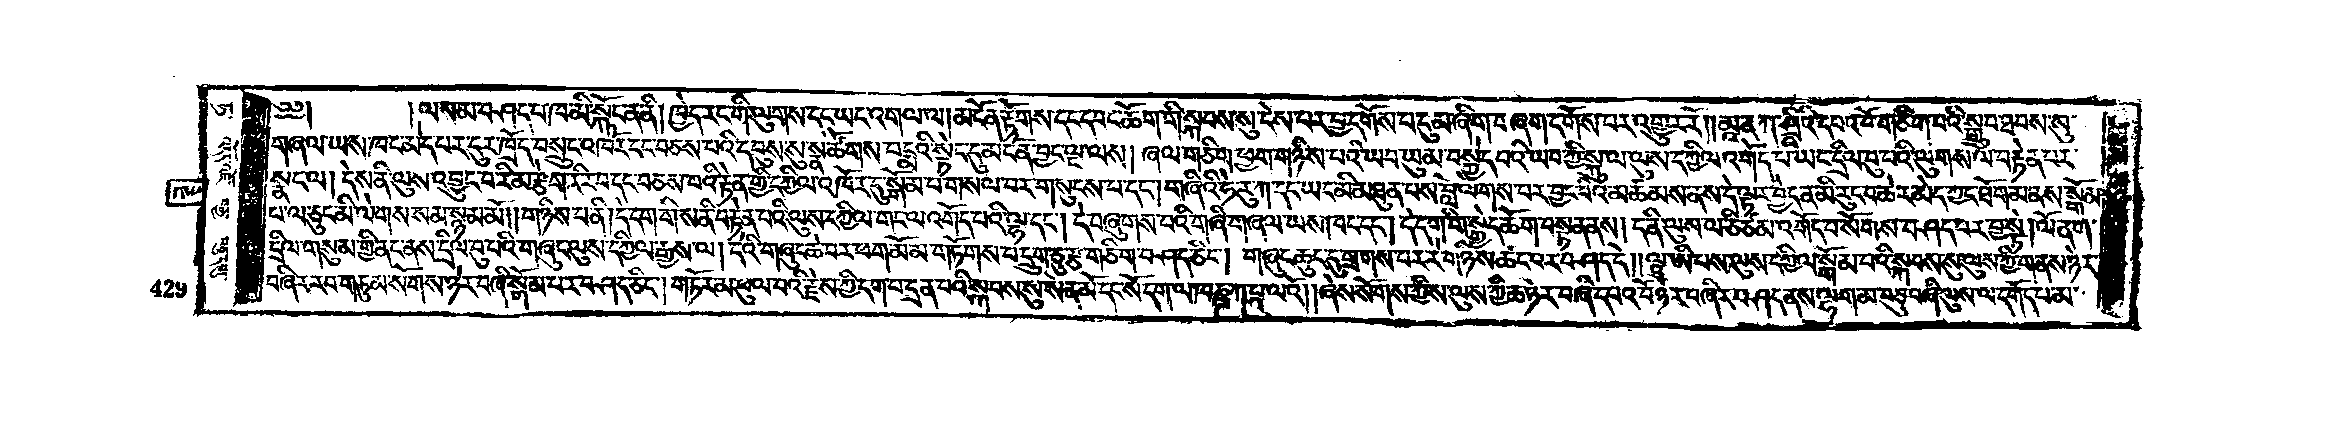༄༅། །ལས་མ་བཤད་པ་ཁ་མི་སྐོང་ན་ནི། ཁྱེད་རང་གི་ལུགས་དང་ཡང་འགལ་ལ། མངོན་རྟོགས་དང་དབང་ཆོག་གི་སྐབས་སུ་ངེས་པར་བྱ་དགོས་པ་དུ་མ་ཞིག་བཞག་དགོས་པར་འགྱུར་རོ། །མཱ་ན་ཀ་ཤྲཱིའི་དཔའ་བོ་གཅིག་པའི་སྒྲུབ་ཐབས་སུ་
གཞལ་ཡས་ཁང་མེད་པར་དུར་ཁྲོད་བསྲུང་འཁོར་དང་བཅས་པའི་དབུས་སུ་སྣ་ཚོགས་པདམའི་སྟེང་དུ་མངོན་བྱང་ལྔ་ལས། ཞལ་གཅིག་ཕྱག་གཉིས་པའི་ཡབ་ཡུམ་བསྐྱེད་པའི་ཡབ་ཀྱི་སྐུ་ལ་ལུས་དཀྱིལ་འགོད་པ་ཡང་དྲིལ་བུ་པའི་ལུགས་ལ་བརྟེན་པར་
སྣང་ལ། དེས་ནི་ལུས་འབྱུང་བ་རིམ་རྩེག་རི་རབ་དང་བཅས་པའི་རྟེན་གྱི་དཀྱིལ་འཁོར་དུ་སྒོམ་པ་གསལ་བར་གསུངས་པ་དང་། གཞིའི་ཧེ་རུ་ཀ་དང་ཡང་མི་མཐུན་པས་བློ་ལེགས་པར་བྱང་བའི་མཚམས་ནས་དེ་ལྟར་བྱེད་ན་མི་རུང་བ་ཆེར་མེད་ཀྱང་ཐོག་མ་ནས་སྒོམ་
པ་ལ་ཅུང་མི་ལེགས་སམ་སྙམ་མོ། །གཉིས་པ་ནི། དེ་དག་གིས་ནི་བརྟེན་པའི་ལུས་དཀྱིལ་གང་ལ་འགོད་པའི་ལྷ་དང་། དེ་བཞུགས་པའི་གཞི་གཞལ་ཡས་ཁང་དང་། དེ་དག་གི་སྐྱེད་ཆོག་བསྟན་ནས། ད་ནི་ལུས་ལ་ཅི་ཙམ་འགོད་པ་སོགས་བཤད་པར་བྱ་སྟེ། ལོ་ནག་
དྲིལ་གསུམ་གྱི་ནང་ནས་དྲིལ་བུ་པའི་གཞུང་ལུས་དཀྱིལ་རྒྱས་ལ། དེའི་གཞུང་ཆེ་བར་ཕག་མོ་མ་གཏོགས་པ་དྲུག་ཅུ་རྩ་གཅིག་བཤད་ཅིང་། གཞུང་ཆུང་དུ་གྲགས་པར་རེ་གཉིས་ཚང་བར་བཤད་དེ། །ལཱུ་ཨི་པས་ལུས་དཀྱིལ་སྒོམ་པའི་སྐབས་སུ་ལུས་ཀྱི་གནས་ཉེར་
བཞིར་རབ་གཏུམ་སོགས་ཉེར་བཞི་སྒོམ་པར་བཤད་ཅིང་། གཏོར་མ་ཕུལ་བའི་རྗེས་ཀྱི་དག་པ་དྲན་པའི་སྐབས་སུ་སེན་མོ་དང་སོ་དག་ལ་ཁཎྜ་ཀ་པཱ་ལའོ། །ཞེས་སོགས་ཀྱིས་ལུས་ཀྱི་ཆ་ཉེར་བཞི་དཔའ་བོ་ཉེར་བཞིར་བཤད་ནས་ལྷག་མ་བཅུ་བཞི་ལུས་ལ་དགོད་པ་མ་